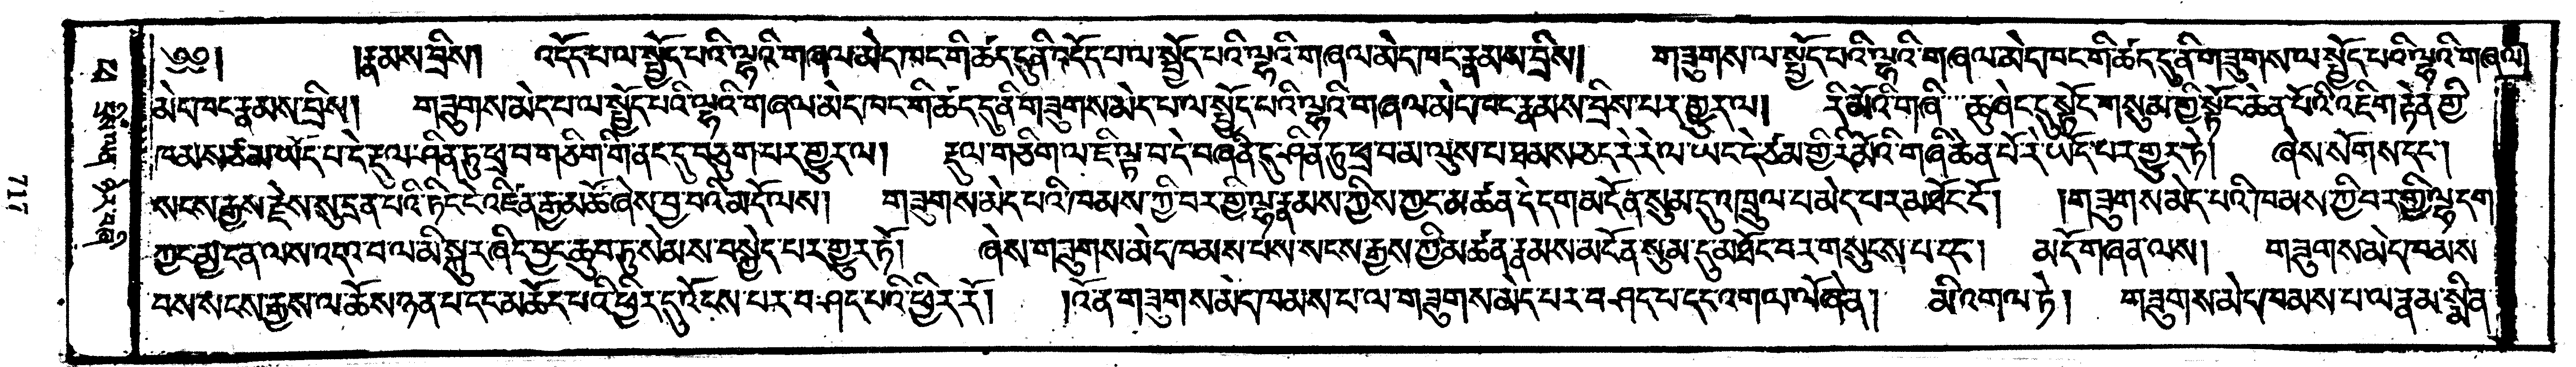༄༅། །རྣམས་བྲིས། འདོད་པ་ལ་སྤྱོད་པའི་ལྷའི་གཞལ་མེད་ཁང་གི་ཚར་དུ་ནི་འདོད་པ་ལ་སྤྱོད་པའི་ལྷའི་གཞལ་མེད་ཁང་རྣམས་བྲིས། གཟུགས་ལ་སྤྱོད་པའི་ལྷའི་གཞལ་མེད་ཁང་གི་ཚད་དུ་ནི་གཟུགས་ལ་སྤྱོད་པའི་ལྷའི་གཞལ་
མེད་ཁང་རྣམས་བྲིས། གཟུགས་མེད་པ་ལ་སྤྱོད་པའི་ལྷའི་གཞལ་མེད་ཁང་གི་ཚད་དུ་ནི་གཟུགས་མེད་པ་ལ་སྤྱོད་པའི་ལྷའི་གཞལ་མེད་ཁང་རྣམས་བྲིས་པར་གྱུར་ལ། རི་མོའི་གཞི་ཆུ་ཞེང་དུ་སྟོང་གསུམ་གྱི་སྟོང་ཆེན་པོའི་འཇིག་རྟེན་གྱི་
ཁམས་ཙམ་ཡོད་པ་དེ་རྡུལ་ཤིན་ཏུ་ཕྲ་བ་གཅིག་གི་ནང་དུ་བཅུག་པར་གྱུར་ལ། རྡུལ་གཅིག་ལ་ཇི་ལྟ་བ་དེ་བཞིན་དུ་ཤིན་ཏུ་ཕྲ་བ་མ་ལུས་པ་ཐམས་ཅད་རེ་རེ་ལ་ཡང་དེ་ཙམ་གྱི་རི་མོའི་གཞི་ཆེན་པོ་རེ་ཡོད་པར་གྱུར་ཏེ། ཞེས་སོགས་དང་།
སངས་རྒྱས་རྗེས་སུ་དྲན་པའི་ཏིང་ངེ་འཛིན་རྒྱ་མཚོ་ཞེས་བྱ་བའི་མདོ་ལས། གཟུགས་མེད་པའི་ཁམས་ཀྱི་བར་གྱི་ལྷ་རྣམས་ཀྱིས་ཀྱང་མཚན་དེ་དག་མངོན་སུམ་དུ་འཁྲུལ་པ་མེད་པར་མཐོང་ངོ། །གཟུགས་མེད་པའི་ཁམས་ཀྱི་བར་གྱི་ལྷ་ངག་
ཀྱང་མྱ་ངན་ལས་འདའ་བ་ལ་མི་སྐུར་ཞིང་བྱང་ཆུབ་ཏུ་སེམས་བསྐྱེད་པར་གྱུར་ཏོ། ཞེས་གཟུགས་མེད་ཁམས་པས་སངས་རྒྱས་ཀྱི་མཚན་རྣམས་མངོན་སུམ་དུ་མཐོང་བར་གསུངས་པ་དང་། མདོ་གཞན་ལས། གཟུགས་མེད་ཁམས་
བས་སངས་རྒྱས་ལ་ཆོས་ཉན་པ་དང་མཆོད་པའི་ཕྱིར་དུ་འོངས་པར་བཤད་པའི་ཕྱིར་རོ། །འོ་ན་གཟུགས་མེད་ཁམས་པ་ལ་གཟུགས་མེད་པར་བཤད་པ་དང་འགལ་ལོ་ཞེ་ན། མི་འགལ་ཏེ། གཟུགས་མེད་ཁམས་པ་ལ་རྣམ་སྨིན་